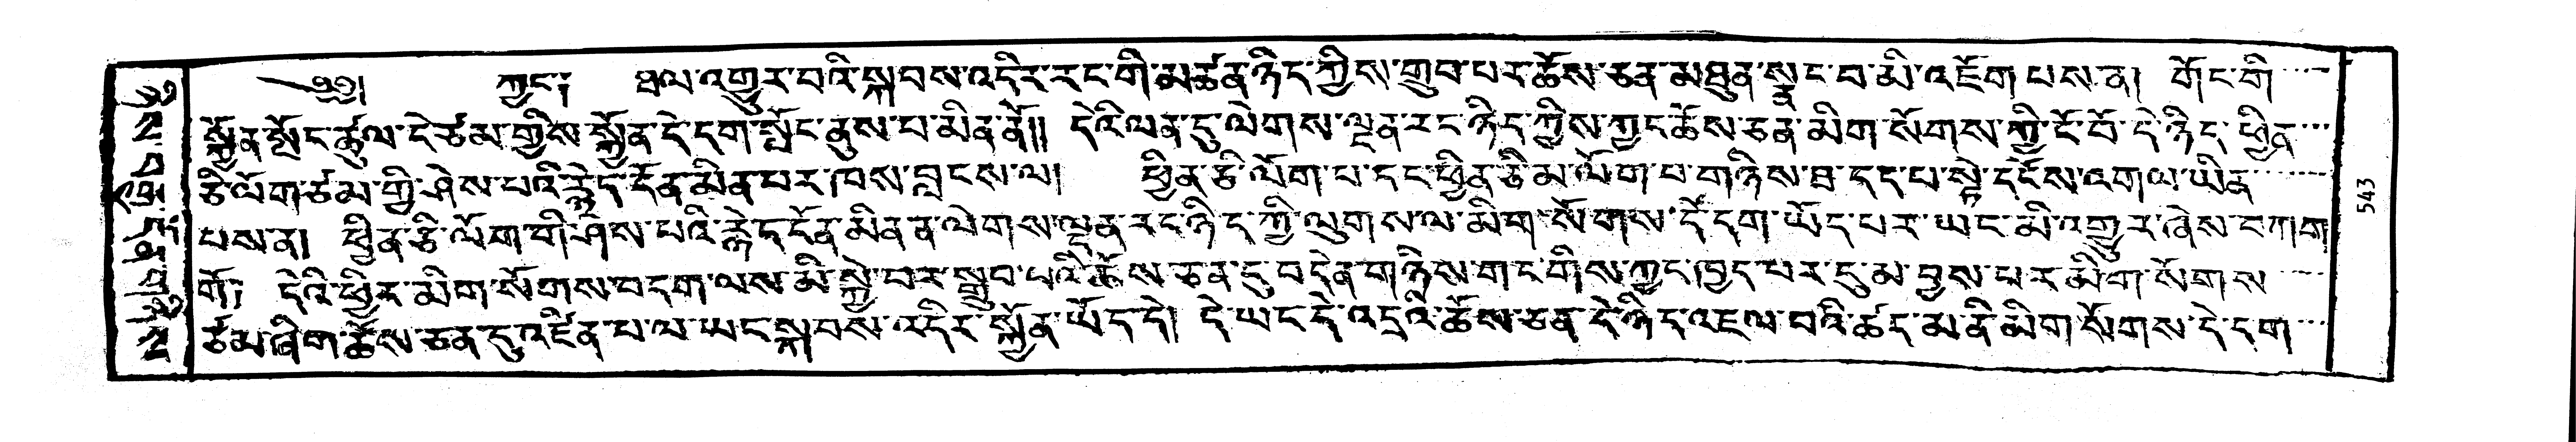༄༅། །ཀྱང༑ ཐལ་འགྱུར་བའི་སྐབས་འདིར་རང་གི་མཚན་ཉིད་ཀྱིས་གྲུབ་པར་ཆོས་ཅན་མཐུན་སྣང་བ་མི་འཇོག་པས་ན། གོང་གི་
སྐྱོན་སྤོང་ཚུལ་དེ་ཙམ་གྱིས་སྐྱོན་དེ་དག་སྤོང་ནུས་པ་མིན་ནོ། །དེའི་ལན་དུ་ལེགས་ལྡན་རང་ཉིད་ཀྱིས་ཀྱང་ཆོས་ཅན་མིག་སོགས་ཀྱི་ངོ་བོ་དེ་ཉིད་ཕྱིན་
ཅི་ལོག་ཙམ་གྱི་ཤེས་པའི་རྙེད་དོན་མིན་པར་ཁས་བླངས་ལ། ཕྱིན་ཅི་ལོག་པ་དང་ཕྱིན་ཅི་མ་ལོག་པ་གཉིས་ཐ་དད་པ་སྟེ་དངོས་འགལ་ཡིན་
པས་ན། ཕྱིན་ཅི་ལོག་གི་ཤེས་པའི་རྙེད་དོན་མིན་ན་ལེགས་ལྡན་རང་ཉིད་ཀྱི་ལུགས་ལ་མིག་སོགས་དེ་དག་ཡོད་པར་ཡང་མི་འགྱུར་ཞེས་བཀག་
གོ༑ དེའི་ཕྱིར་མིག་སོགས་བདག་ལས་མི་སྐྱེ་བར་སྒྲུབ་པའི་ཆོས་ཅན་དུ་བདེན་གཉིས་གང་གིས་ཀྱང་ཁྱད་པར་དུ་མ་བྱས་པར་མིག་སོགས་
ཙམ་ཞིག་ཆོས་ཅན་དུ་འཛིན་པ་ལ་ཡང་སྐབས་འདིར་སྐྱོན་ཡོད་དེ། དེ་ཡང་དེ་འདྲའི་ཆོས་ཅན་དེ་ཉིད་འཇལ་བའི་ཚད་མ་ནི་མིག་སོགས་དེ་དག་